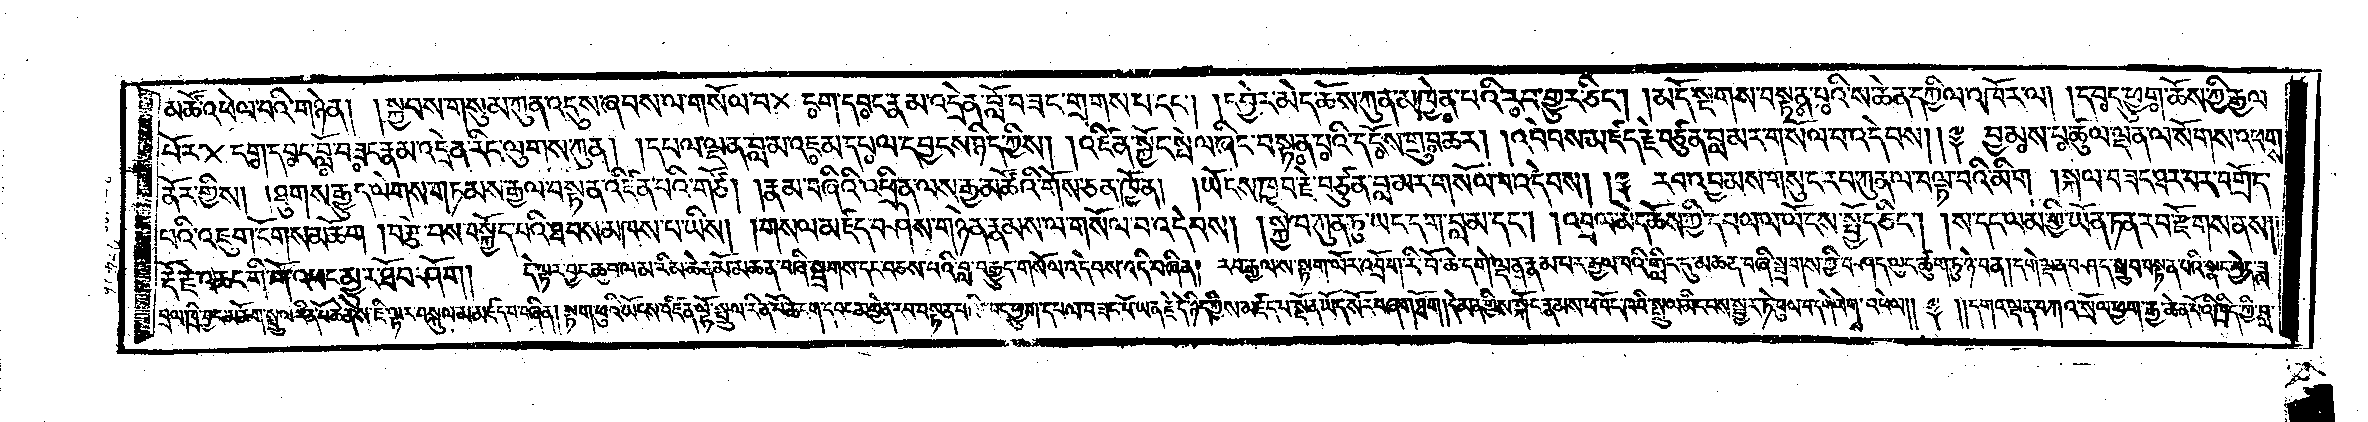མཚོ་འཕེལ་བའི་གཉེན། །སྐྱབས་གསུམ་ཀུན་འདུས་ཞབས་ལ་གསོལ་བ་ངག྾་དབང྾་རྣམ་འདྲེན་བློ་བཟང་གྲགས་པ་དང་། །དབྱེར་མེད་ཆོས་ཀུན་མཁྱེན྾་པའི་རབ྾་གྱུར་ཅིང་། །མདོ་སྔགས་བསྟན྾་པའི྾་ས་ཆེན་དཀྱིལ་འཁོར་ལ། །དབང྾་ཕྱུག་ཆོས་ཀྱི་རྒྱལ་
པོར་྾་ངག྾་དབང྾་བློ྾་བཟང྾་རྣམ་འདྲེན་རིང་ལུགས་ཀུན། །དཔལ་ལྡན་བླ་མ་འཇམ྾་དཔལ྾་དབྱངས་ཉིད་ཀྱིས། །འཛིན་སྐྱོང་སྤེལ་ཞིང་བསྟན྾་པའི྾་དངོས྾་གྲུབ྾་ཆར། །འབེབས་མཛད་རྗེ་བཙུན་བླ་མར་གསོལ་བ་འདེབས། ། ༈ བྱམས྾་པ྾་ཚུལ་ལྡན་ལ་སོགས་འཕགས་
ནོར་གྱིས། །ཐུགས་རྒྱུད་ལེགས་གཏམས་རྒྱལ་བསྟན་འཛིན་པའི་གཙོ། །རྣམ་བཞིའི་འཕྲིན་ལས་རྒྱ་མཚོའི་གོས་ཅན་ཁྱོན། །ཡོངས་ཁྱབ་རྗེ་བཙུན་བླ་མར་གསོལ་བ་འདེབས། ། ༈ རབ་འབྱམས་གསུང་རབ་ཀུན་ལ་བལྟ་བའི་མིག །སྐལ་བཟང་ཐར་བར་བགྲོད་
པའི་འཇུག་ངོགས་མཆོག །བརྩེ་བས་བསྐྱོད་པའི་ཐབས་མཁས་པ་ཡིས། །གསལ་མཛད་བཤེས་གཉེན་རྣམས་ལ་གསོལ་བ་འདེབས། །སྐྱེ་བ་ཀུན་ཏུ་ཡང་དག་བླ་མ་དང་། །འབྲལ་མེད་ཆོས་ཀྱི་དཔལ་ལ་ལོངས་སྤྱོད་ཅིང་། །ས་དང་ལམ་གྱི་ཡོན་ཏན་རབ་རྫོགས་ནས། །
རྡོ་རྗེ་འཆང་གི་གོ་འཕང་མྱུར་ཐོབ་ཤོག། དེ་ལྟར་བྱང་ཆུབ་ལམ་རིམ་ཆེན་མོ་མཆན་བཞི་སྦྲགས་དང་བཅས་པའི་བླ་བརྒྱུད་གསོལ་འདེབས་འདི་བཞིན། རབ་རྒྱལ་ས་སྟག་ལོར་འབྲོག་རི་བོ་ཆེ་དགེ་ལྡན་རྣམ་པར་རྒྱལ་བའི་གླིང་དུ་མཆན་བཞི་སྦྲགས་ཀྱི་བཤད་ལུང་ཚུག་ཏུ་ཉེ་བ་ན། དགེ་ལྡན་བཤད་སྒྲུབ་བསྟན་པའི་སྣང་བྱེད་ཟླ་
བྲལ་ཁྲི་བྱང་མཆོག་སྤྲུལ་རིན་པོ་ཆེ་ནས་ཇི་ལྟར་བསྐུལ་མཛད་པ་བཞིན། །སྟག་ཕུའི་ཡོངས་འཛིན་ལྟོ་སྤྲུལ་རིན་པོ་ཆེ་ངག་དབང་མཁྱེན་རབ་བསྟན་པའི་དབང་ཕྱུག་དཔལ་བཟང་པོ་ལན་རྗེ་དེ་ཉིད་ཀྱིས་མཛད་པ་སྔོན་ཡོད་སོར་བཞག་ཐོག། །དེ་མན་གྱིས་སྐོང་རྣམས་ཕ་བོང་ཁའི་སྤྲུལ་མིང་བས་སྦྱར་ཏེ་ཕུལ་བ་དགེ་ལེགས་འཕེལ།། ༈ །།དགའ་ལྡན་བཀའ་སྲོལ་ཕྱག་རྒྱ་ཆེན་པོའི་ཁྲིད་ཀྱི་བླ